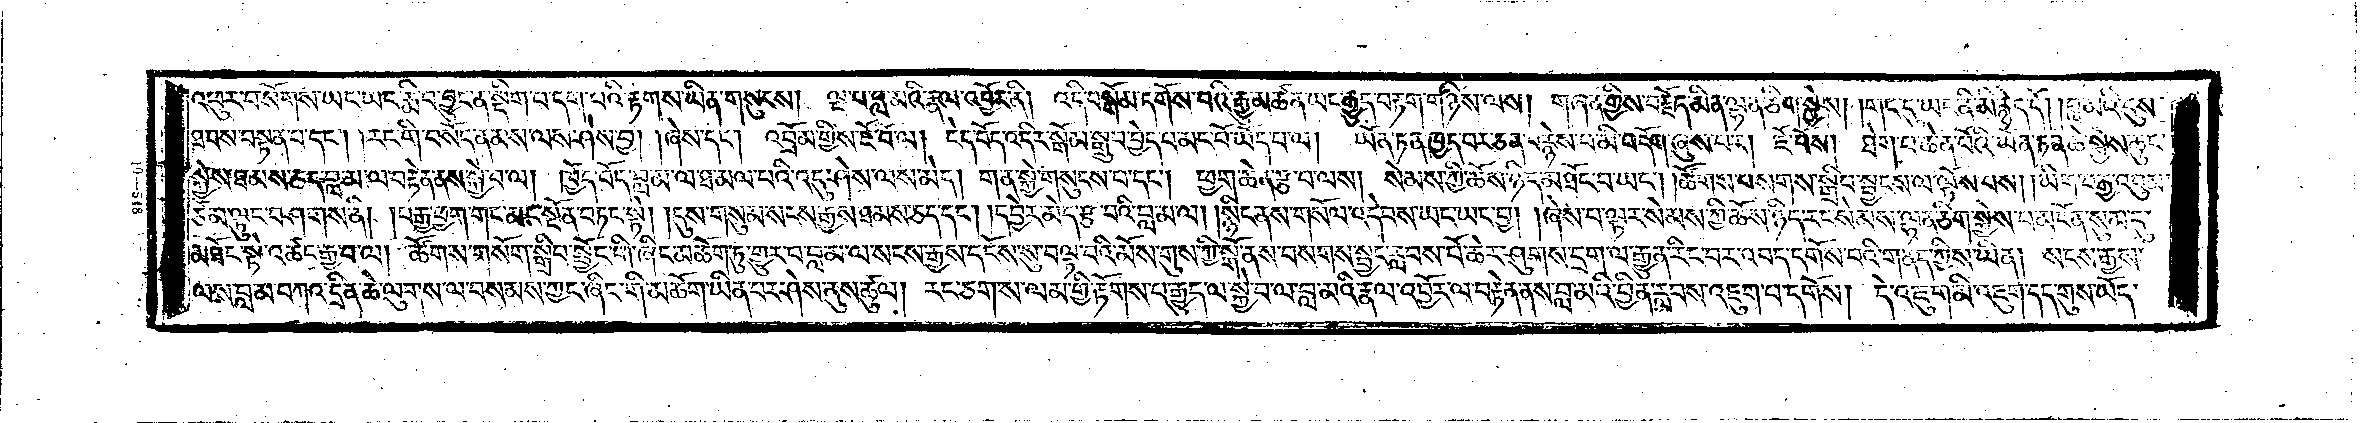འཕུར་བ་སོགས་ཡང་ཡང་རྨི་བ་བྱུང་ན་སྡིག་པ་དག་པའི་རྟགས་ཡིན་གསུངས། ལྔ་པ་བླ་མའི་རྣལ་འབྱོར་ནི། འདི་བསྒོམ་དགོས་པའི་རྒྱུ་མཚན་ཡང་རྒྱུད་བརྟག་གཉིས་ལས། གཞན་གྱིས་བརྗོད་མིན་ལྷན་ཅིག་སྐྱེས། །གང་དུ་ཡང་ནི་མི་རྙེད་དོ། །བླ་མའི་དུས་
ཐབས་བསྟན་པ་དང་། །རང་གི་བསོད་ནམས་ལས་ཤེས་བྱ། །ཤེས་དང་། འབྲོམ་གྱིས་ཇོ་བོ་ལ། ངེད་བོད་འདིར་སྒོམ་སྒྲུབ་བྱེད་བ་མང་པོ་ཡོད་པ་ལ། ཡོན་ཏན་ཁྱད་པར་ཅན་བརྙེས་པ་མི་བདོག་ཞུས་པར། ཇོ་བོས། ཐེག་པ་ཆེན་པོའི་ཡོན་ཏན་ཆེ་སྐྱེས་ཆུང་
སྐྱེས་ཐམས་ཅད་བླ་མ་ལ་བརྟེན་ནས་སྐྱེ་བ་ལ། ཁྱེད་བོད་བླ་མ་ལ་ཐ་མལ་པའི་འདུ་ཤེས་ལས་མེད། ག་ན་སྐྱེ་གསུངས་པ་དང་། ཕྱག་ཆེན་རྩ་བ་ལས། སེམས་ཀྱི་ཆོས་ཉིད་མཐོང་བ་ཡང་། །ཚོགས་བསགས་སྒྲིབ་སྦྱངས་ལ་ལྟོས་པས། །ཡིག་བརྒྱ་འབུམ་
ཙམ་ལྟུང་བཤགས་ནི། །བརྒྱ་ཕྱག་གང་མང་སྔོན་བཏང་སྟེ། །དུས་གསུམ་སངས་རྒྱས་ཐམས་ཅད་དང་། །དབྱེར་མེད་རྩ་བའི་བླ་མ་ལ། །སྙིང་ནས་གསོལ་འདེབས་ཡང་ཡང་བྱ། །ཞེས་པ་ལྟར་སེམས་ཀྱི་ཆོས་ཉིད་རང་སེམས་ལྷན་ཅིག་སྐྱེས་པ་མངོན་སུམ་དུ་
མཐོང་སྟེ་འཚང་རྒྱ་བ་ལ། ཚོགས་གསོག་སྒྲིབ་སྦྱོང་གི་ཞིང་མཆོག་ཏུ་གྱུར་པ་བླ་མ་ལ་སངས་རྒྱས་དངོས་སུ་བལྟ་བའི་མོས་གུས་ཀྱི་སྒོ་ནས་བསགས་སྦྱང་རླབས་བོ་ཆེར་ཤུགས་དྲག་ལ་རྒྱུན་རིང་བར་འབད་དགོས་པའི་གནད་ཀྱིས་ཡིན། སངས་རྒྱས་
ལས་བླ་མ་བཀའ་དྲིན་ཆེ་ལུགས་ལ་བསམས་ཀྱང་ཞིང་གི་མཆོག་ཡིན་པར་ཤེས་ནུས་ཚུལ། རང་ཅག་ལམ་གྱི་རྟོགས་པ་རྒྱུད་ལ་སྐྱེ་བ་ལ་བླ་མའི་རྣལ་འབྱོར་ལ་བརྟེན་ནས་བླ་མའི་བྱིན་རླབས་འཇུག་པ་དགོས། དེ་འཇུག་མི་འཇུག་དད་གུས་ཡོད་